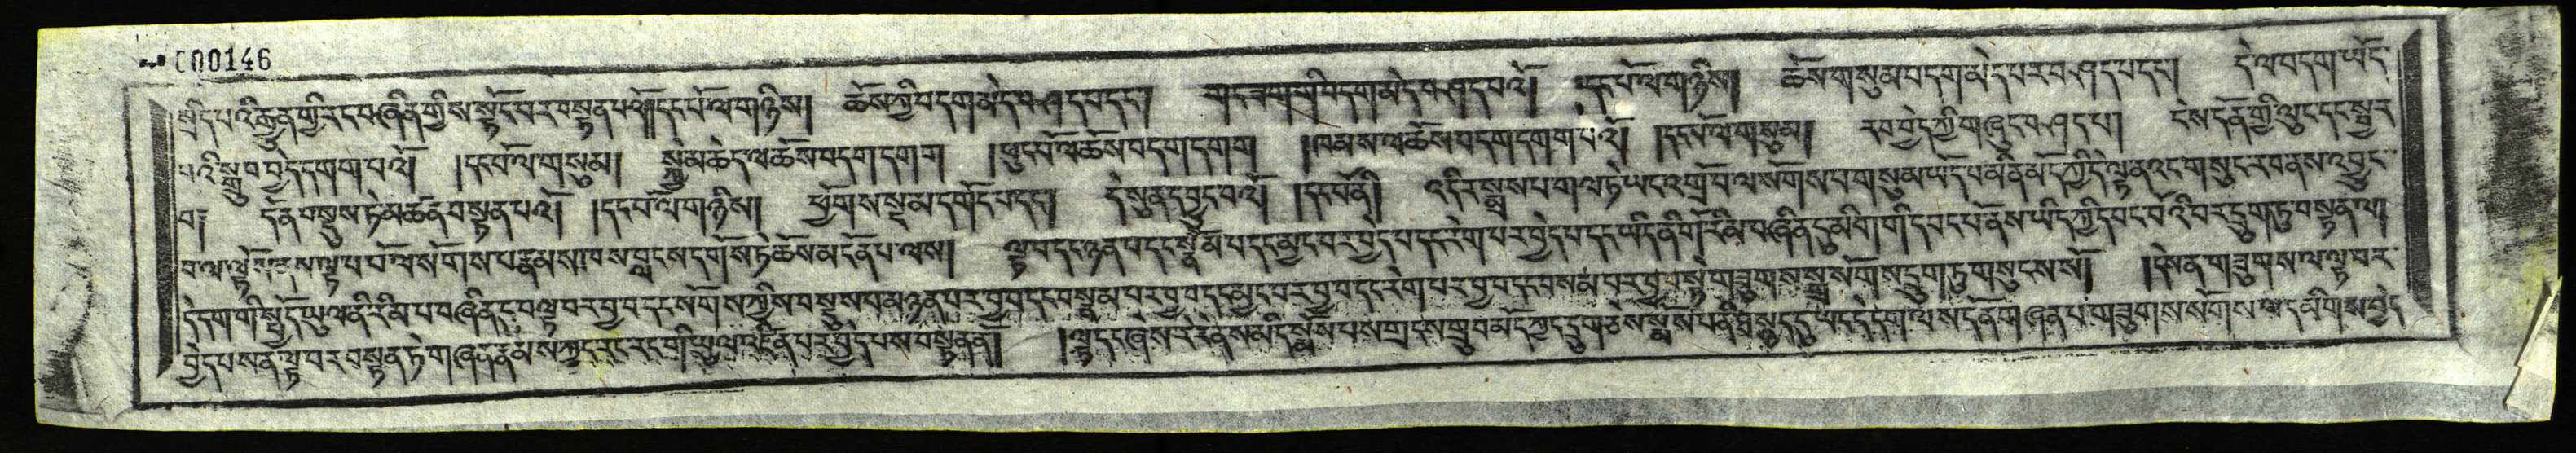སྲིད་པའི་རྒྱུན་གྱི་རང་བཞིན་གྱིས་སྟོང་པར་བསྟན་པའོ། །དང་པོ་ལ་གཉིས། ཆོས་ཀྱི་བདག་མེད་བཤད་པ་དང་། གང་ཟག་གི་བདག་མེད་བཤད་པའོ། །དང་པོ་ལ་གཉིས། ཆོས་གསུམ་བདག་མེད་པར་བཤད་པ་དང་། དེ་ལ་བདག་ཡོད་
པའི་སྒྲུབ་བྱེད་དགག་པའོ། །དང་པོ་ལ་གསུམ། སྐྱེ་མཆེད་ལ་ཆོས་བདག་དགག །ཕུང་པོ་ལ་ཆོས་བདག་དགག །ཁམས་ལ་ཆོས་བདག་དགག་པའོ། །དང་པོ་ལ་གསུམ། རབ་བྱེད་ཀྱི་གཞུང་བཤད་པ། ངེས་དོན་གྱི་ལུང་དང་སྦྱར་
བ༑ དོན་བསྡུས་ཏེ་མཚན་བསྟན་པའོ། །དང་པོ་ལ་གཉིས། ཕྱོགས་སྔ་མ་དགོང་པ་དང་། དེ་སུན་དབྱུང་བའོ། །དང་པོ་ནི། འདིར་སྨྲས་པ་གལ་ཏེ་ཡང་འགྲོ་བ་ལ་སོགས་པ་གསུམ་ཡོད་པ་མིན་མོད་ཀྱི་དེ་ལྟ་ནའང་གསུང་རབ་ནས་འབྱུང་
བ་ལ་ལྟོས་ནས་ལྟ་བ་པོ་ལ་སོགས་པ་རྣམས་ཁས་བླངས་དགོས་ཏེ་ཆོས་མངོན་པ་ལས། ལྟ་བ་དང་ཉན་པ་དང་སྣོམ་པ་དང་མྱང་བར་བྱེད་པ་དང་རེག་པར་བྱེད་པ་དང་ཡིད་ནི་གོ་རིམ་བཞིན་དུ་མིག་གི་དབང་པོ་ནས་ཡིད་ཀྱི་དབང་པོའི་བར་དྲུག་ཏུ་བསྟན་ལ།
དེ་དག་གི་སྤྱོད་ཡུལ་ནི་རིམ་པ་བཞིན་དུ་བལྟ་བར་བྱ་བ་དང་སོགས་ཀྱིས་བསྡུས་པ་མཉན་པར་བྱ་བ་དང་བསྣམ་པར་བྱ་བ་དང་མྱང་བར་བྱ་བ་དང་རེག་པར་བྱ་བ་དང་བསམ་པར་བྱ་བ་སྟེ་གཟུགས་སྒྲ་སོགས་དྲུག་ཏུ་གསུངས་སོ། །དེས་ན་གཟུགས་ལ་ལྟ་བར་
བྱེད་པས་ན་ལྟ་བར་བསྟན་ཏེ་གཞན་རྣམས་ཀྱང་རང་རང་གི་ཡུལ་འཛིན་པར་བྱེད་པས་བསྟན་ནོ། །ལྟ་དང་ཞེས་རེ་རེ་ནས་མིང་སྨོས་པས་གྲངས་གྲུབ་མོད་ཀྱང་དྲུག་ཅེས་སྨོས་པ་ནི་ཐ་སྙད་དུ་ཡང་དེ་དག་ལས་དོན་གཞན་པ་གཟུགས་སོགས་ལ་དམིགས་བྱེད་